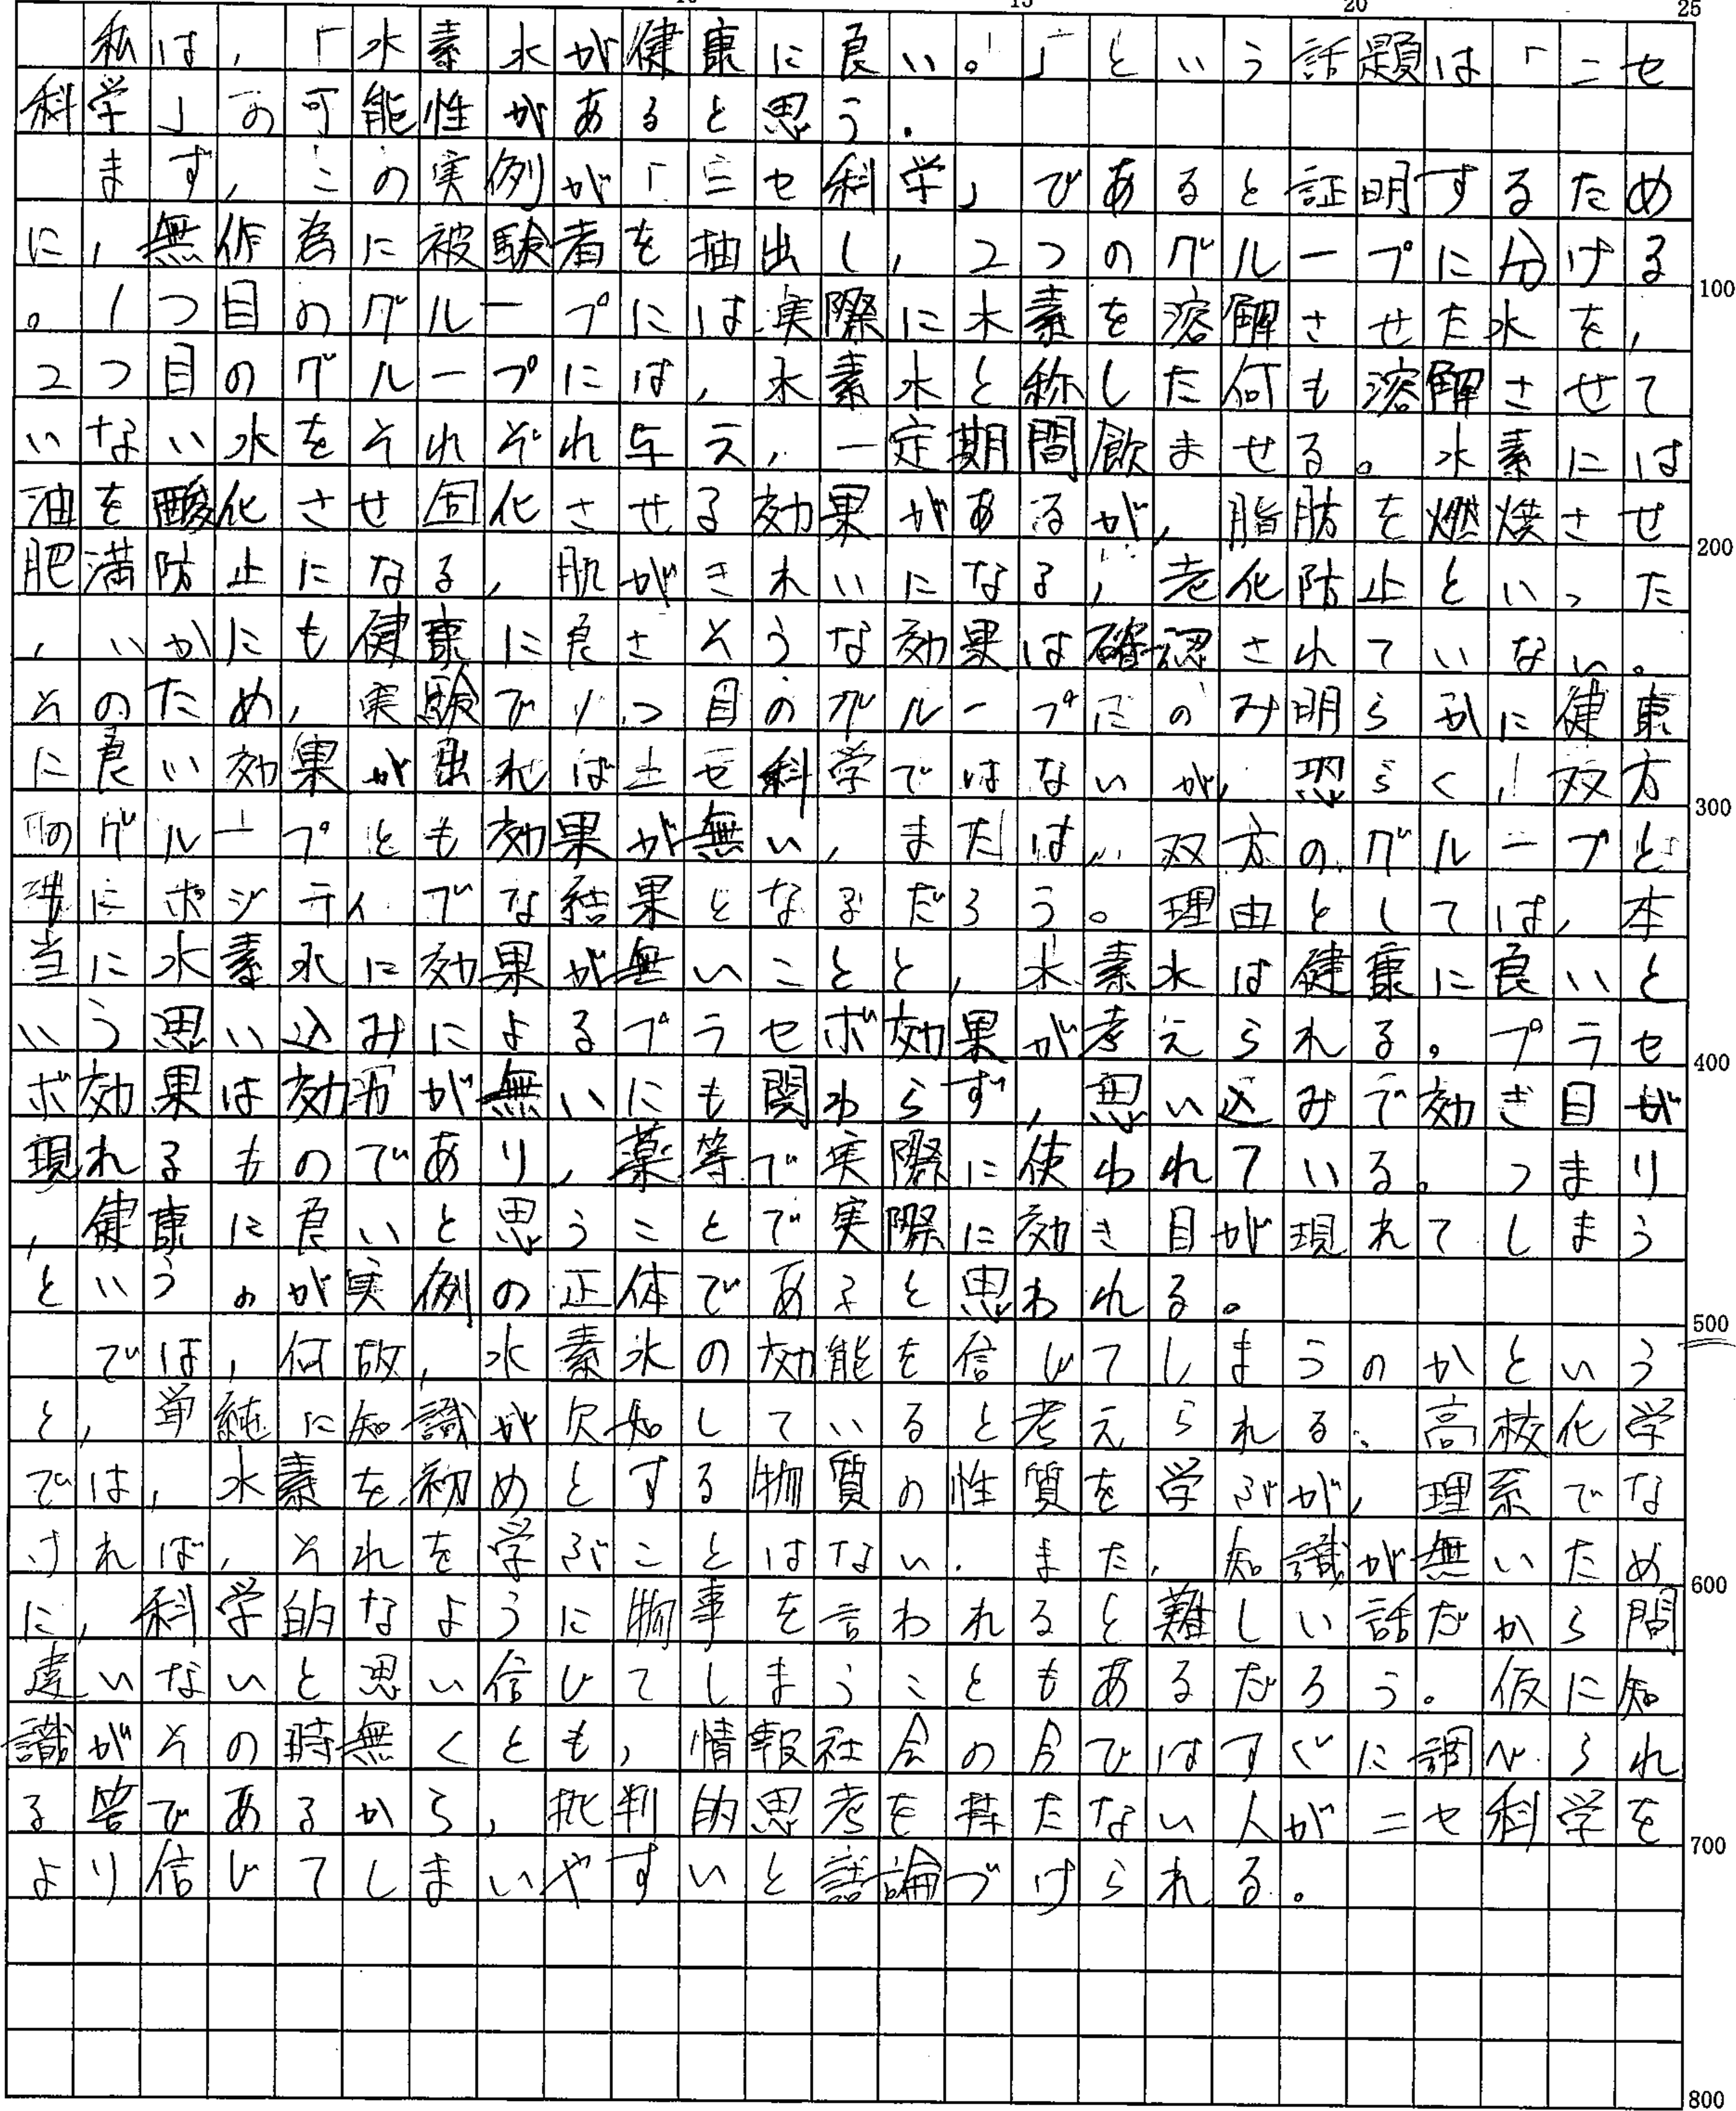　私は、「水素水が健康に良い。」という話題は「ニセ科学」の可能性があると思う。
　まず、この実例が「ニセ科学」であると証明するために、無作為に被験者を抽出し、２つのグループに分ける。１つ目のグループには実際に水素を溶解させた水を、２つ目のグループには、水素水と称した何も溶解させていない水をそれぞれ与え、一定期間飲ませる。水素には油を酸化させ固化させる効果があるが、脂肪を燃焼させ肥満防止になる、肌がきれいになる、老化防止といった、いかにも健康に良さそうな効果は確認されていない。そのため、実験で１つ目のグループにのみ明らかに健康に良い効果が出ればニセ科学ではないが、恐らく、双方のグループとも効果が無い、または、双方のグループともにポジティブな結果となるだろう。理由としては、本当に水素水に効果が無いことと、水素水は健康に良いという思い込みによるプラセボ効果が考えられる。プラセボ効果は効力が無いにも関わらず、思い込みで効き目が現れるものであり、薬等で実際に使われている。つまり、健康に良いと思うことで実際に効き目が現れてしまうというのが実例の正体であると思われる。
　では、何故、水素水の効能を信じてしまうのかというと、単純に知識が欠如していると考えられる。高校化学では、水素を初めとする物質の性質を学ぶが、理系でなければ、それを学ぶことはない。また、知識が無いために、科学的なように物事を言われると難しい話だから間違いないと思い信じてしまうこともあるだろう。仮に知識がその時無くとも、情報社会の今ではすぐに調べられる筈であるから、批判的思考を持たない人がニセ科学をより信じてしまいやすいと詰論づけられる。
